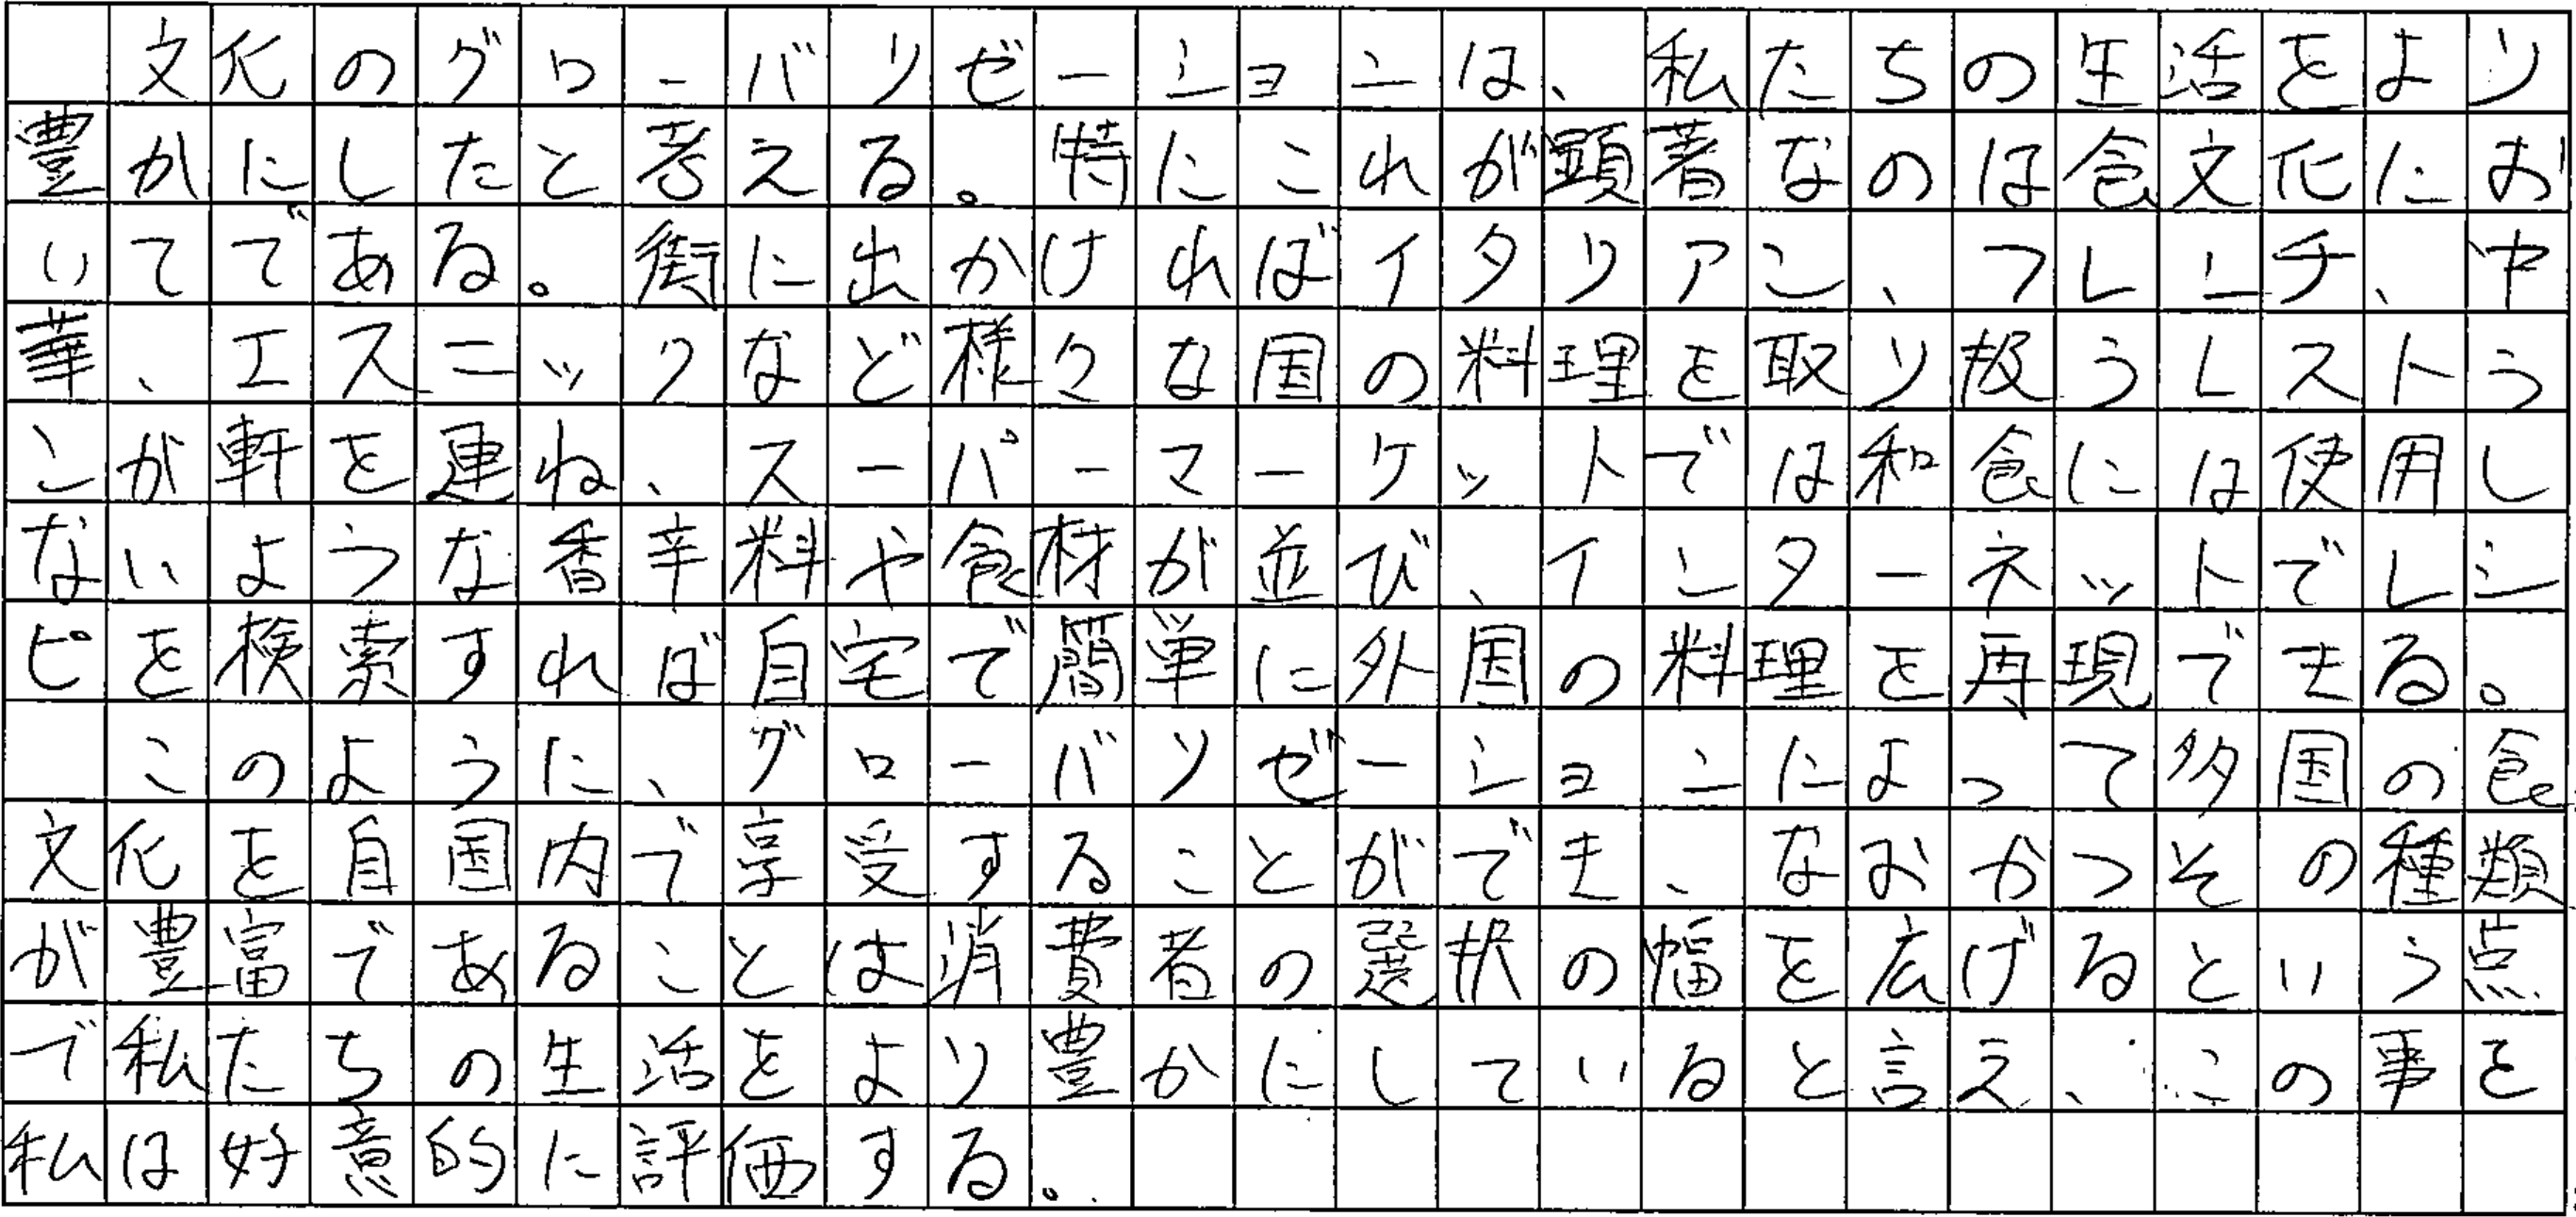　文化のグローバリゼーションは、私たちの生活をより豊かにしたと考える。特にこれが顕著なのは食文化においてである。街に出かければイタリアン、フレンチ、中華、エスニックなど様々な国の料理を取り扱うレストランが軒を連ね、スーバーマーケットでは和食には使用しないような香辛料や食材が並び、インターネットでレシピを検索すれば自宅で簡単に外国の料理を再現できる。
　このように、グローバリゼーションによって多国の食文化を自国内で享受することができ、なおかつその種類が豊富であることは消費者の選択の幅を広げるという点で私たちの生活をより豊かにしていると言え、この事を私は好意的に評価する。
